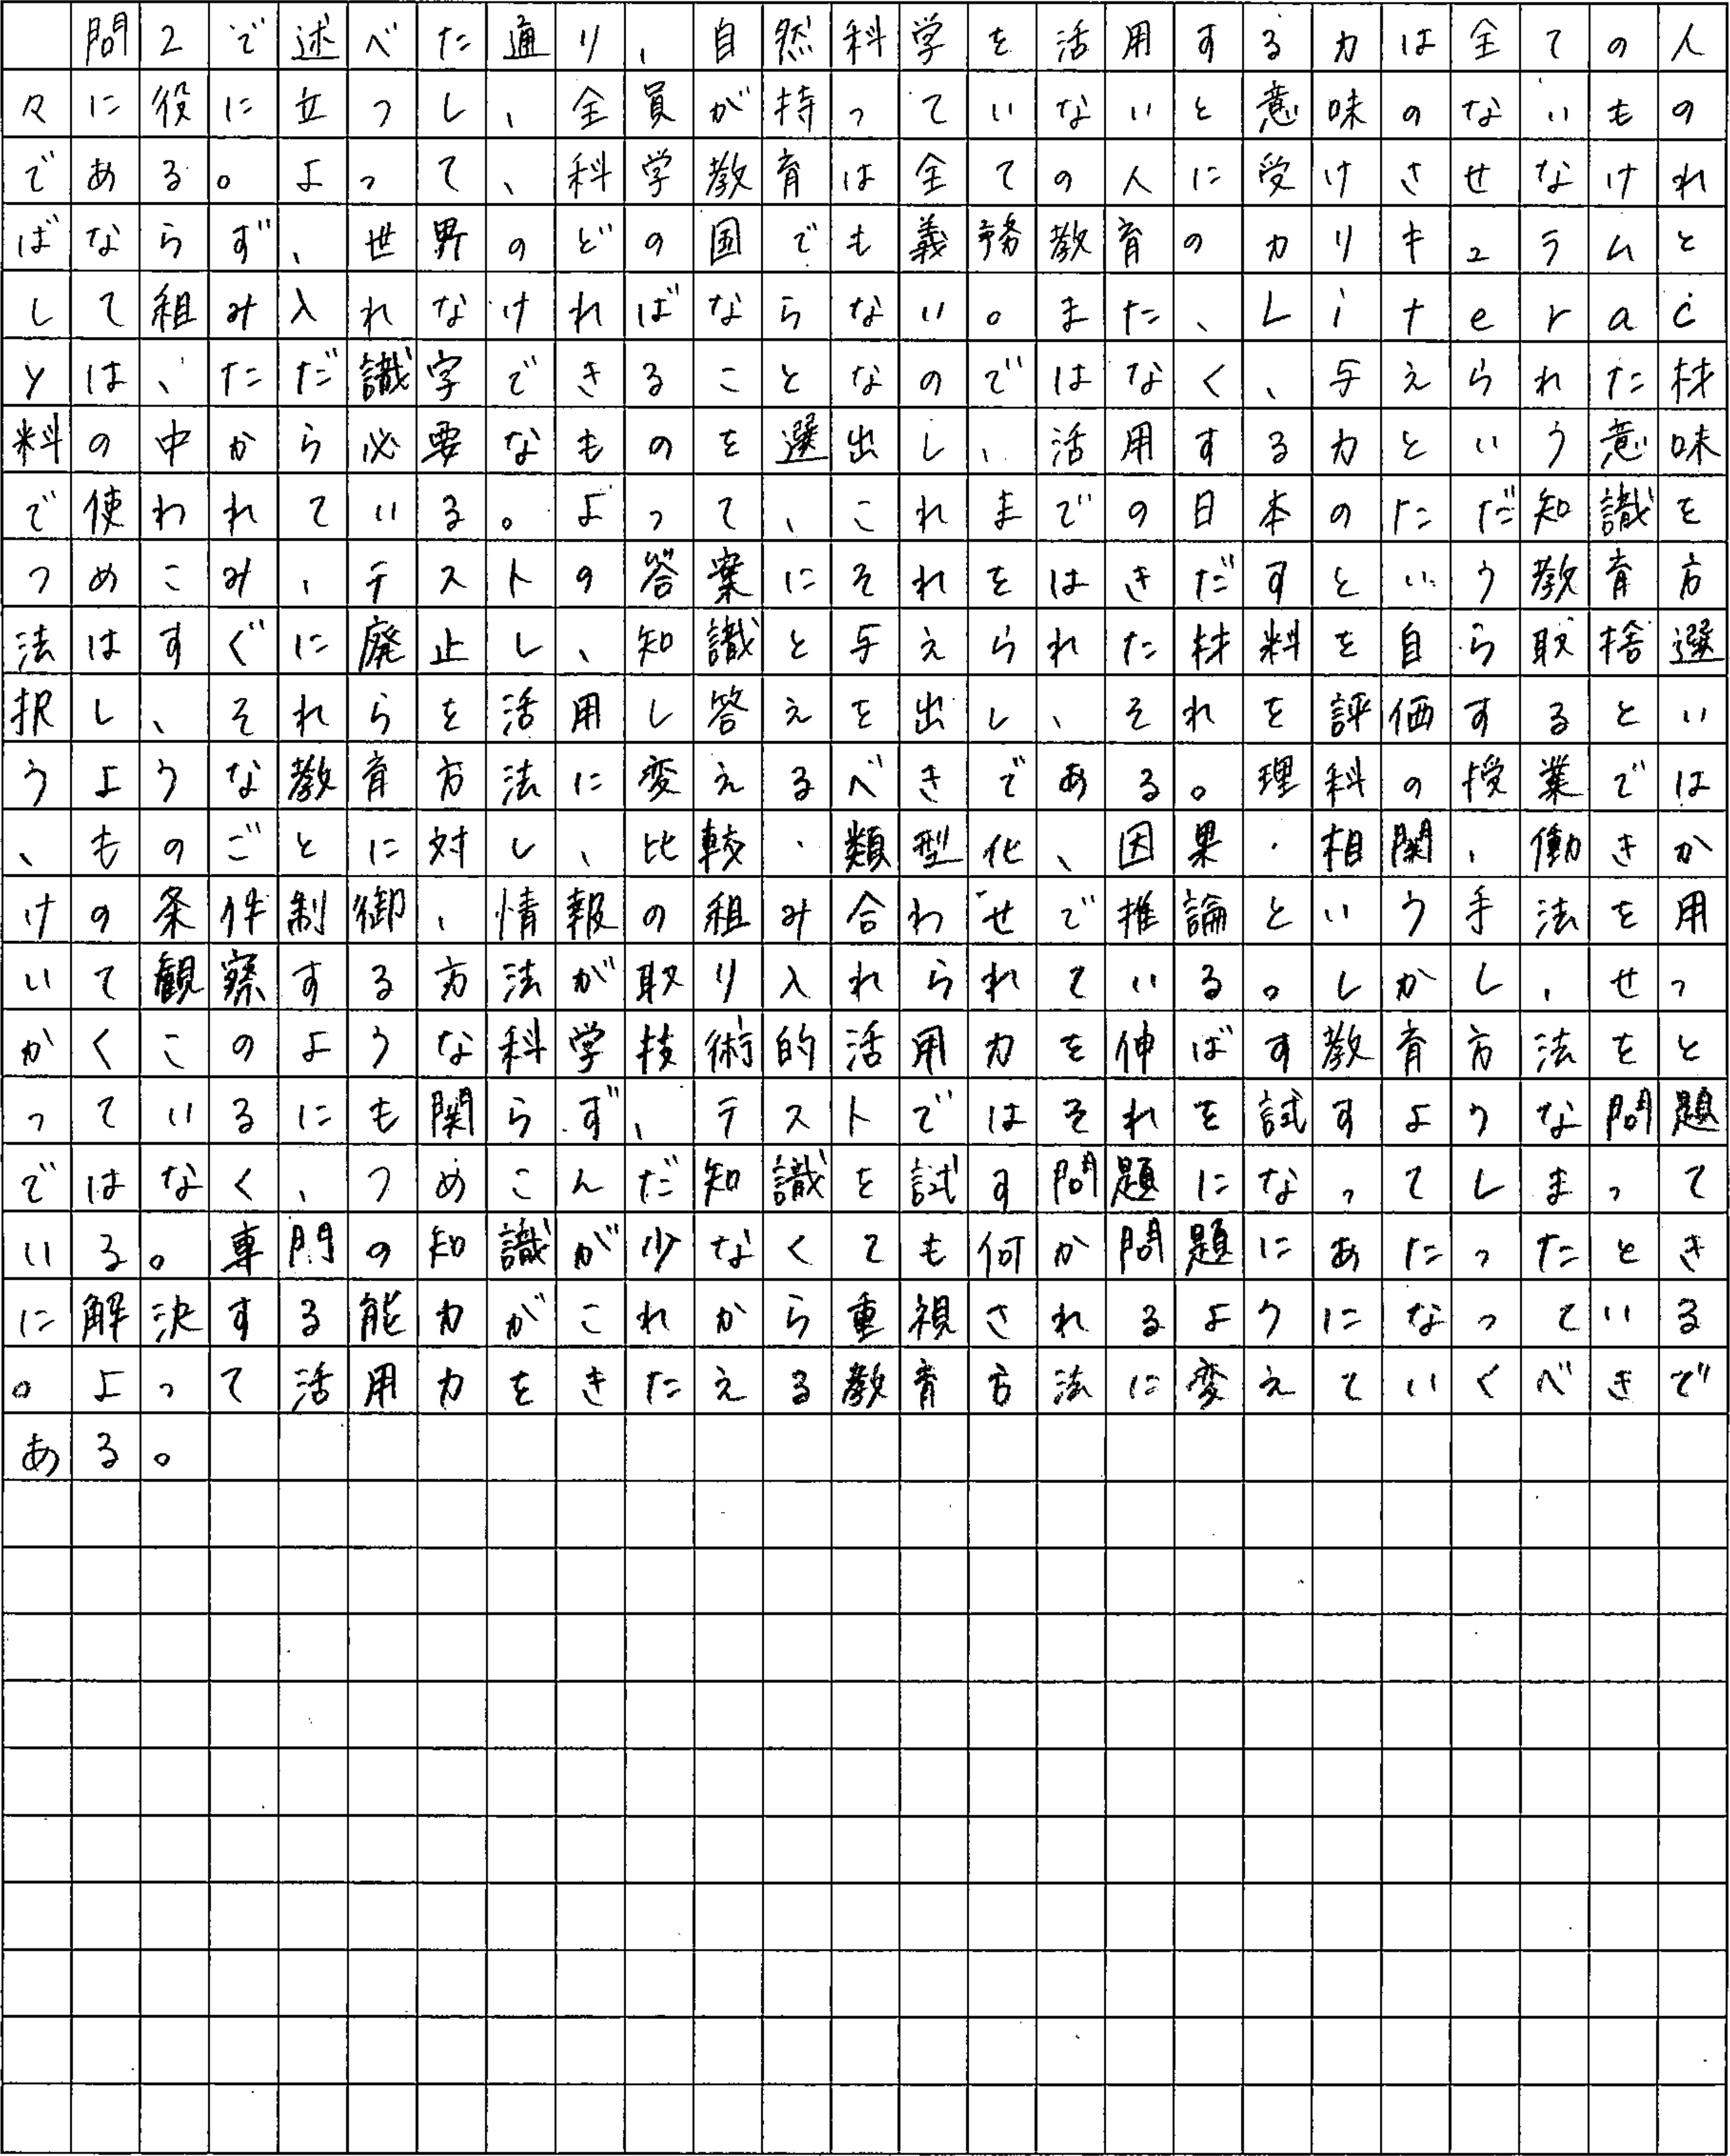　問２で述べた通り、自然科学を活用する力は全ての人々に役に立つし、全員が持っていないと意味のないものである。よって、科学教育は全ての人に受けさせなければならず、世界のどの国でも義務教育のカリキュラムとして組み入れなければならない。また、Ｌｉｔｅｒａｃｙは、ただ識字できることなのではなく、与えられた材料の中から必要なものを選出し、活用する力という意味で使われている。よって、これまでの日本のただ知識をつめこみ、テストの答案にそれをはきだすという教育方法はすぐに廃止し、知識と与えられた材料を自ら取捨選択し、それらを活用し答えを出し、それを評価するというような教育方法に変えるべきである。理科の授業では、ものごとに対し、比較・類型化、因果・相関、働きかけの条件制御、情報の組み合わせで推論という手法を用いて観察する方法が取り入れられている。しかし、せっかくこのような科学技術活用力を伸ばす教育方法をとっているにも関らず、テストではそれを試すような問題ではなく、つめこんだ知識を試す問題になってしまっている。専門の知識が少なくても何か問題にあたったときに解決する能力がこれから重視されるようになっている。よって活用力をきたえる教育方法に変えていくべきである。
